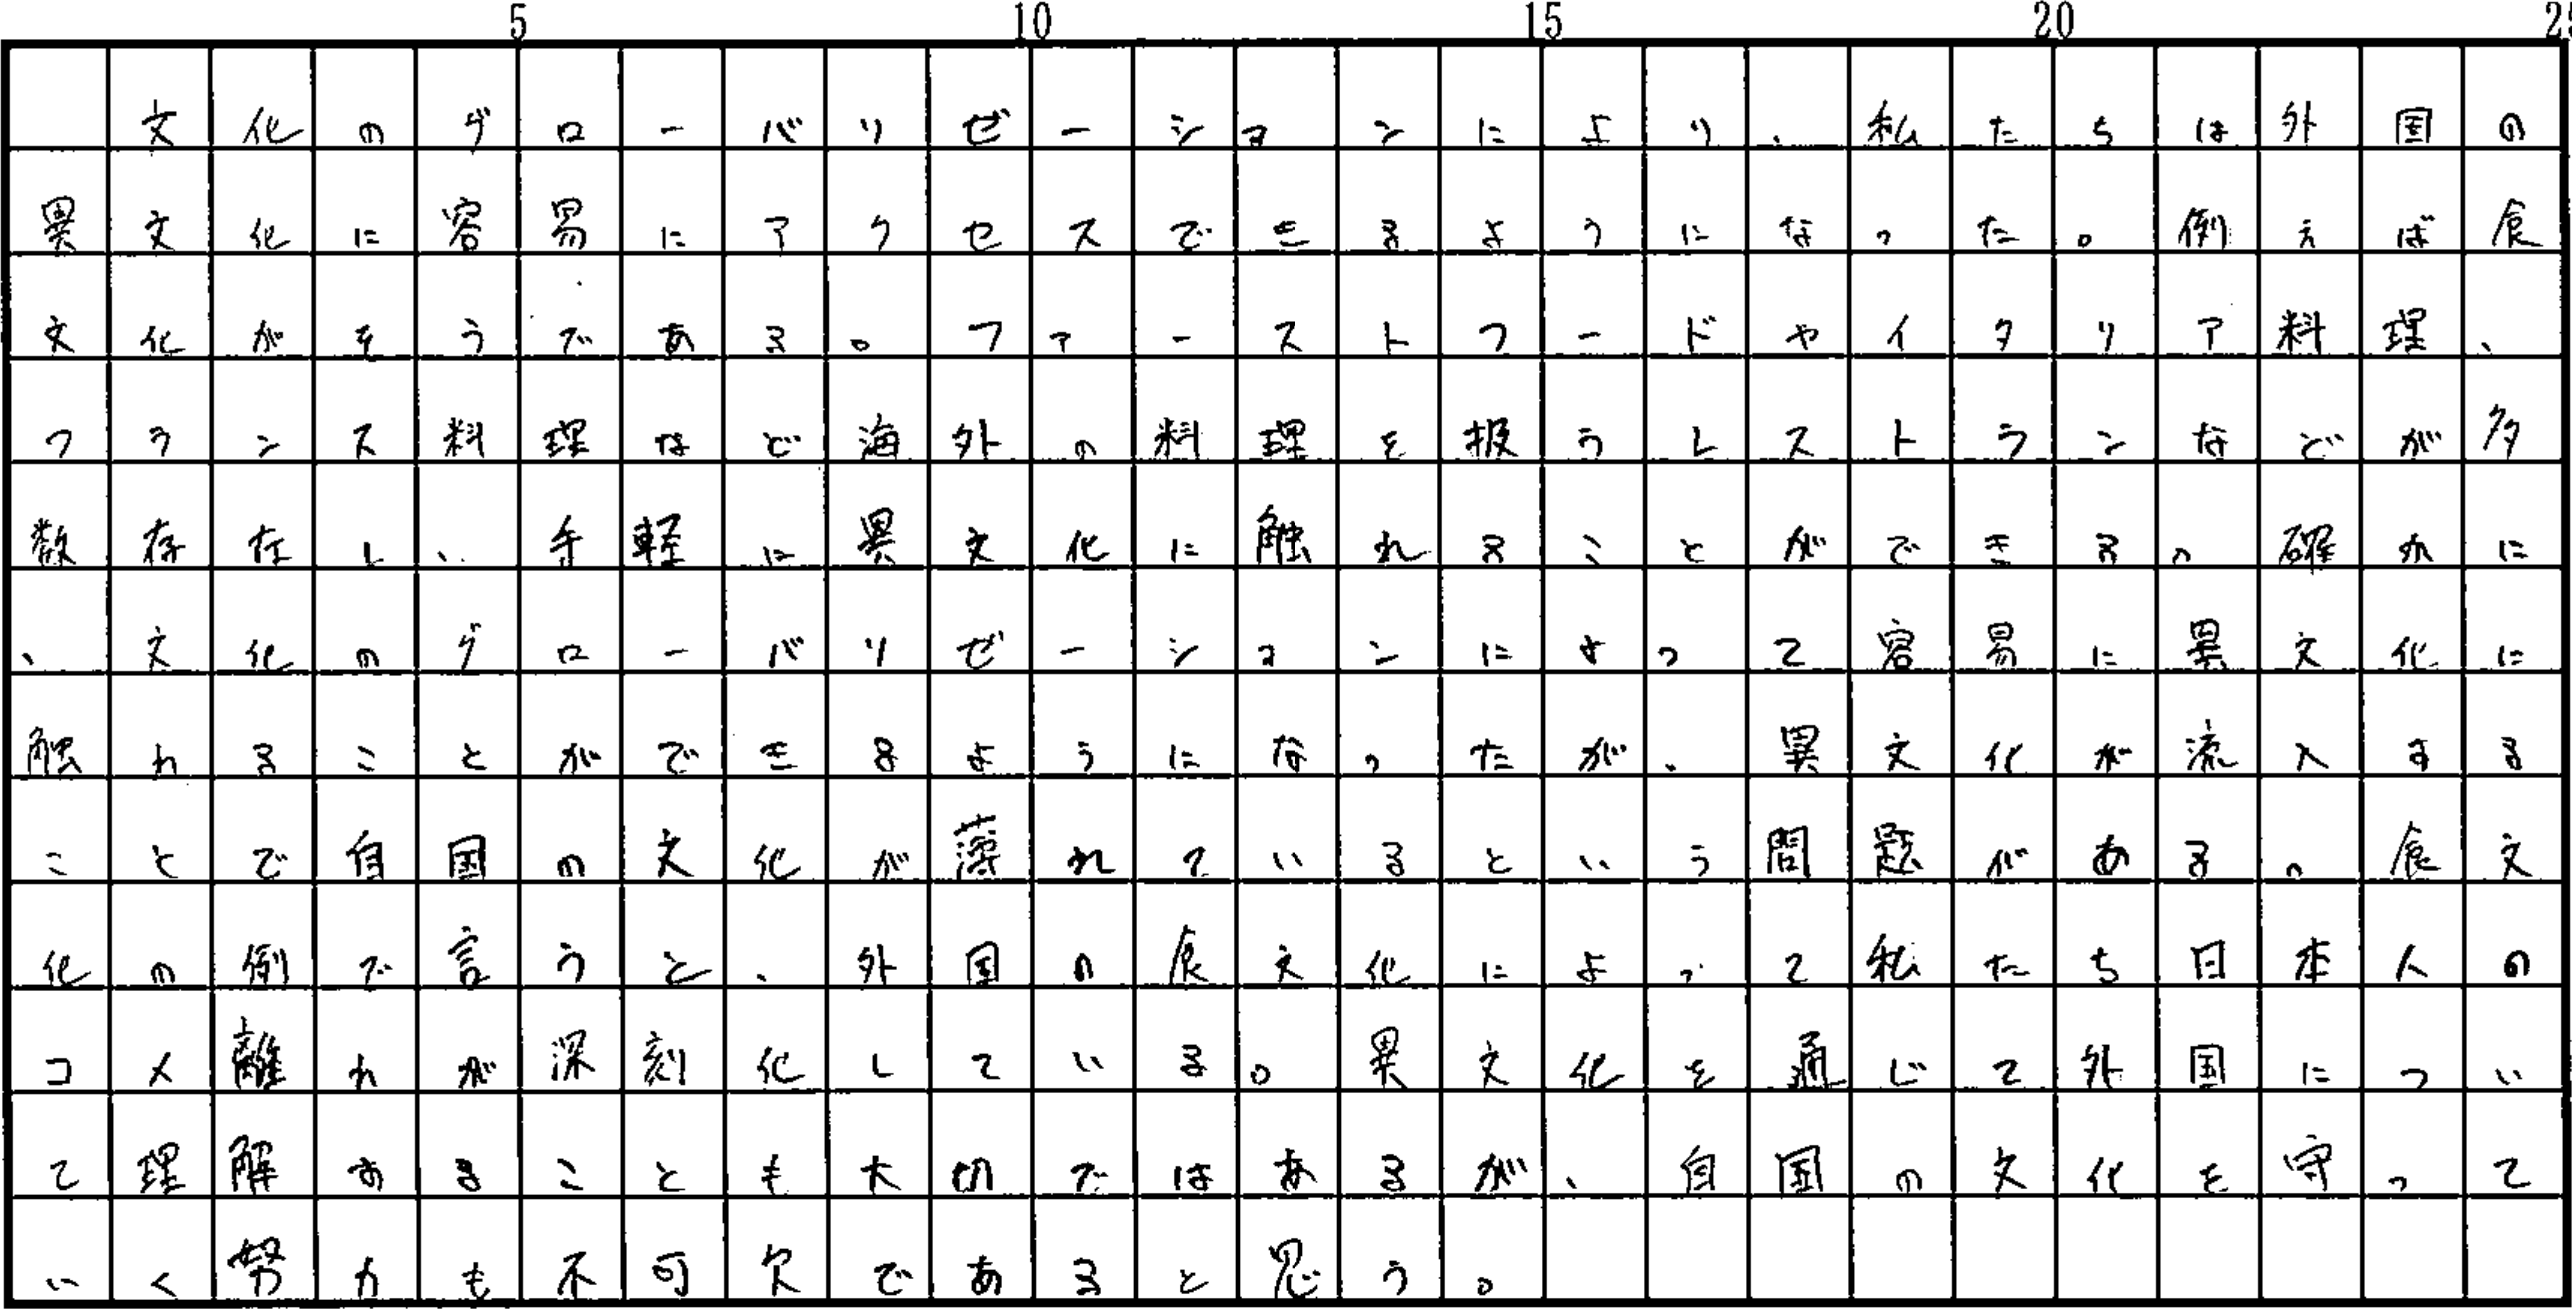　文化のグローバリゼーションにより、私たちは外国の異文化に容易にアクセスできるようになった。例えば食文化がそうである。ファーストフードやイタリア料理、フランス料理など海外の料理を扱うレストランなどが多数存在し、手軽に異文化に触れることができる。確かに、文化のグローバリゼーションによって容易に異文化に触れることができるようになったが、異文化が流入することで自国の文化が薄れているという問題がある。食文化の例で言うと、外国の食文化によって私たち日本人のコメ離れが深刻化している。異文化を通じて外国について理解することも大切ではあるが、自国の文化を守っていく努力も不可欠であると思う。
